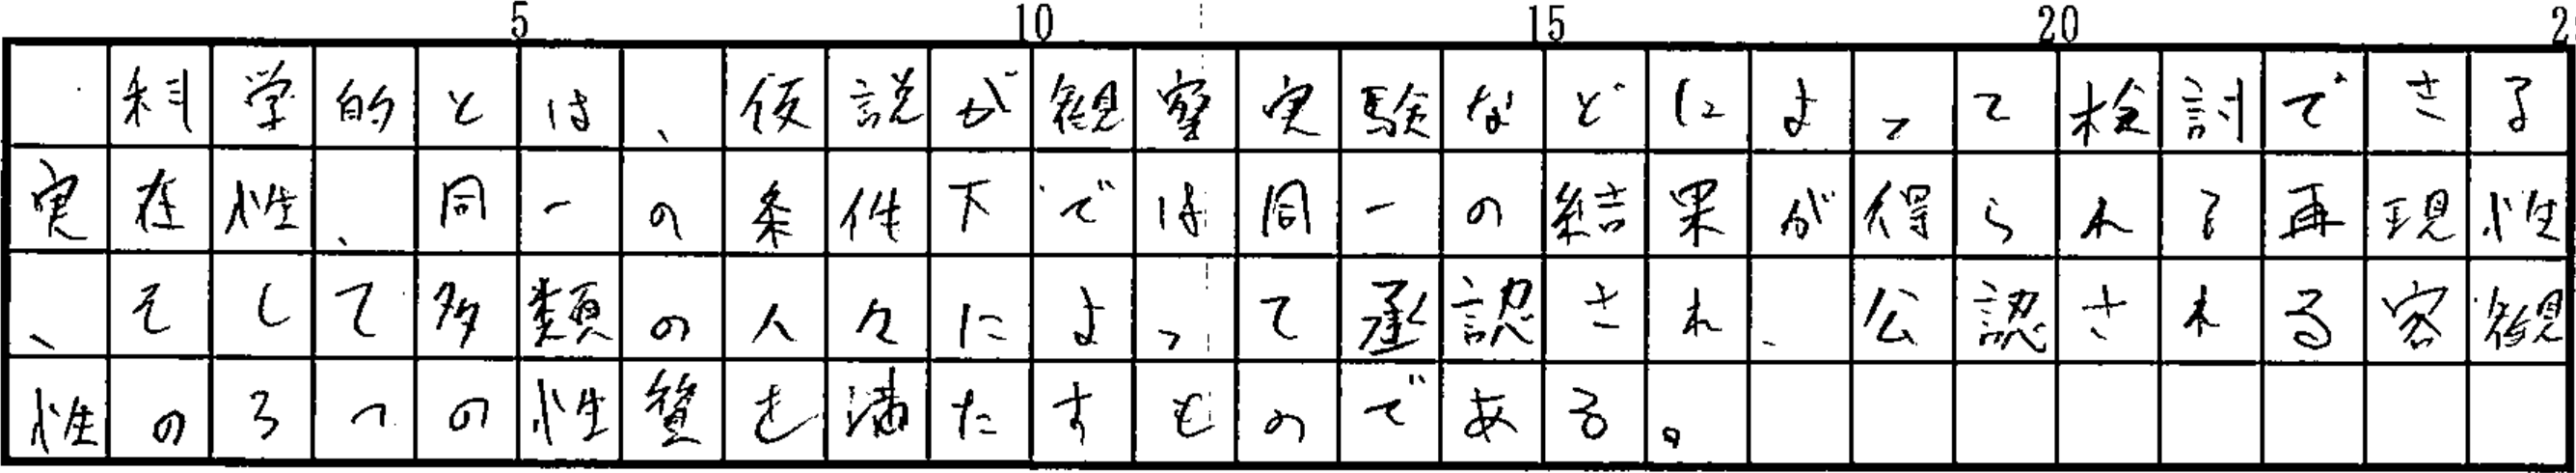　科学的とは、仮説が観察実験などによって検討できる実在性、同一の条件下では同一の結果が得られる再現性、そして多類の人々によって承認され、公認される客観性の３つの性質を満たすものである。
